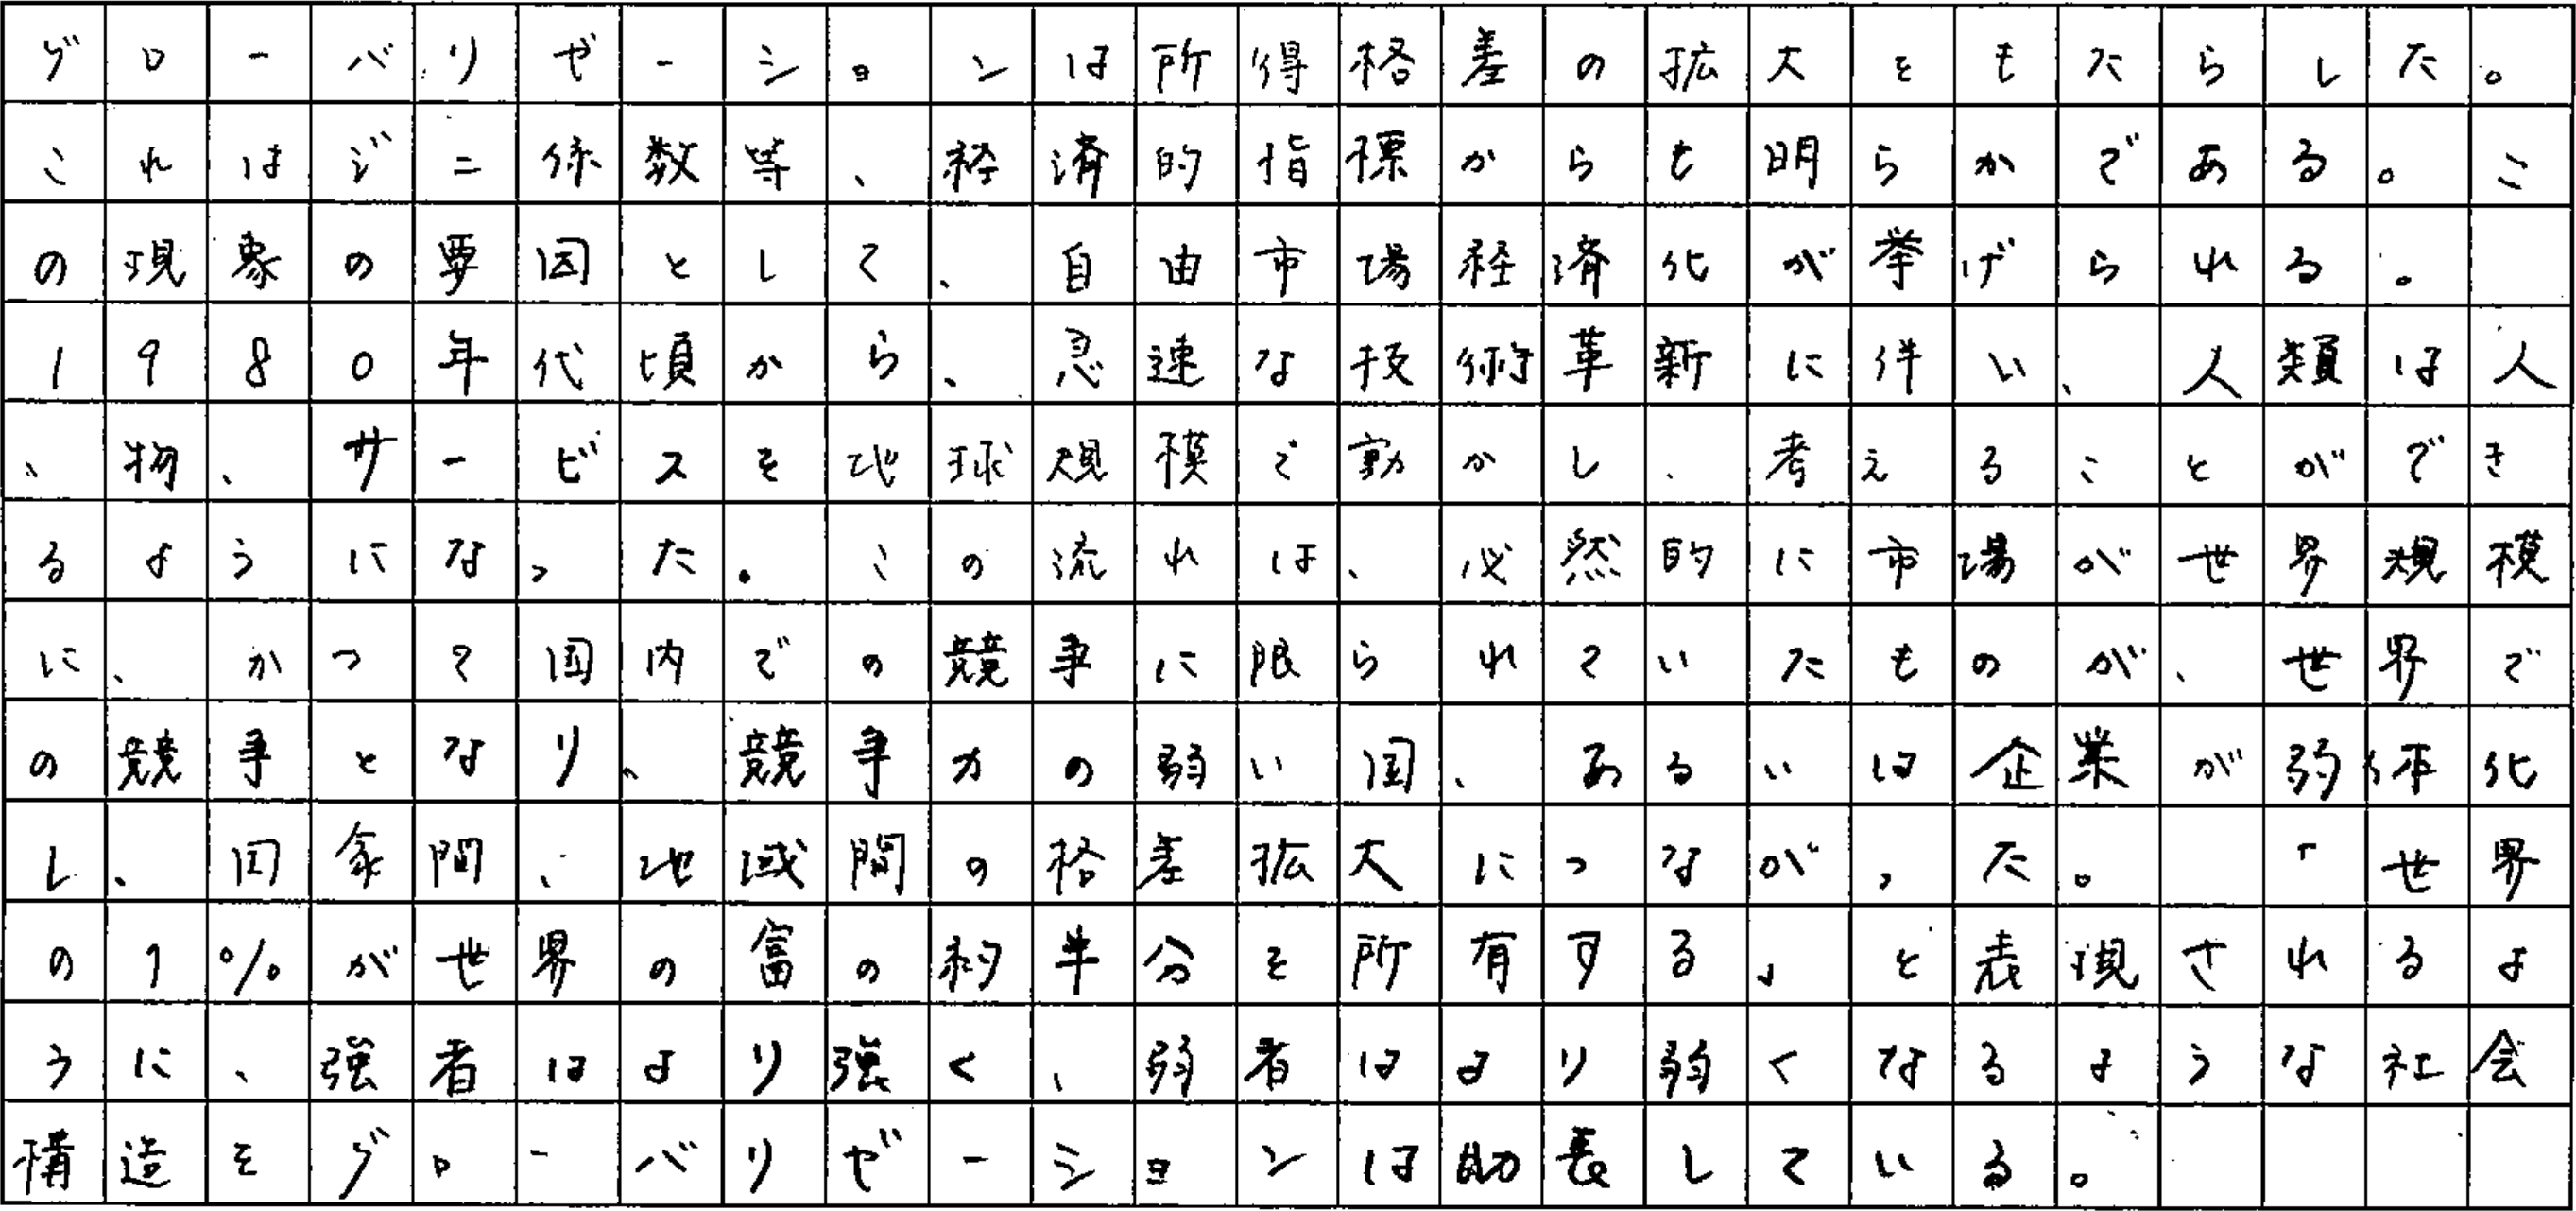グローバリゼーションは所得格差の拡大をもたらした。これはジニ係数等、経済的指標からも明らかである。この現象の要因として、自由市場経済化が挙げられる。　１９８０年代頃から、急速な技術革新に伴い、人類は人、物、サービスを地球規模で動かし、考えることができるようになった。この流れは、必然的に市場が世界規模に、かつて国内での競争に限られていたものが、世界での競争となり、競争力の弱い国、あるいは企業が弱体化し、国家間、地域間の格差拡大につながった。　「世界の１％が世界の富の約半分を所有する」と表現されるように、強者はより強く、弱者はより弱くなるというような社会構造をグローバリゼーションは助長している。
